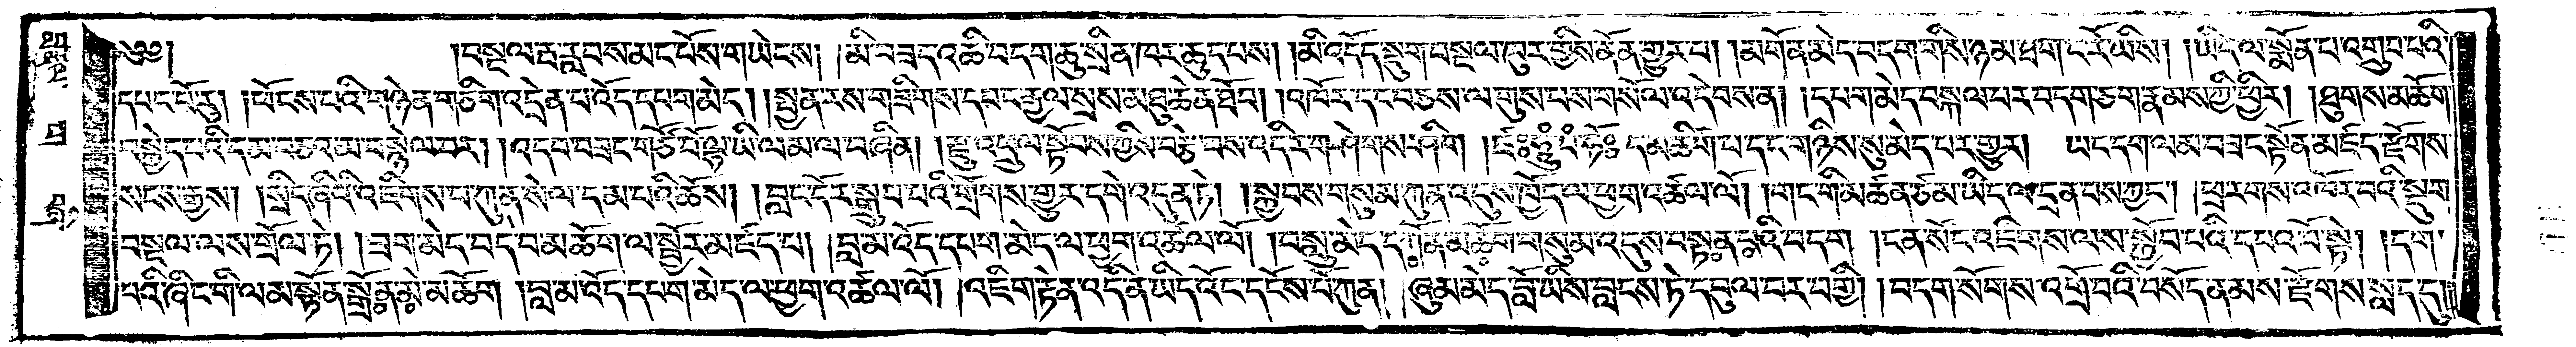༄༅། །བསྔལ་རྦ་རླབས་མང་པོས་གཡེངས། །མི་བཟད་འཆི་བདག་ཆུ་སྲིན་ཁར་ཆུད་པས། །མི་འདོད་སྡུག་བསྔལ་ཁུར་གྱིས་ནོན་གྱུར་བ། །མགོན་མེད་བདག་གིས་ཉམ་ཐག་ང་རོ་ཡིས། །ཡིད་ལ་སྨོན་པ་འགྲུབ་བའི་
དབང་པོ་རུ། །ཕོངས་པའི་གཉེན་གཅིག་འདྲེན་པ་འོད་དཔག་མེད། །སྤྱན་རས་གཟིགས་དབང་རྒྱལ་སྲས་མཐུ་ཆེན་ཐོབ། །འཁོར་དང་བཅས་ལ་གུས་པས་གསོལ་འདེབས་ན། །དཔག་མེད་བསྐལ་པར་བདག་ཅག་རྣམས་ཀྱི་ཕྱིར། །ཐུགས་མཆོག་
བསྐྱེད་པའི་དམ་བཅའ་མ་བསྙེལ་བར། །འདབ་བཟང་གཙོ་བོ་ལྷ་ཡི་ལམ་ལ་བཞིན། །རྫུ་འཕྲུལ་སྟོབས་ཀྱིས་བརྩེ་བས་འདིར་གཤེགས་ཤིག །ཛཿཧཱུཾ་བཾ་ཧོཿ དམ་ཚིག་པ་དང་གཉིས་སུ་མེད་པར་གྱུར། ཡང་དག་ལམ་བཟང་སྟོན་མཛད་རྫོགས་
སངས་རྒྱས། །སྲིད་ཞིའི་འཇིགས་པ་ཀུན་སེལ་དམ་པའི་ཆོས། །བླང་དོར་སྒྲུབ་པའི་གྲོགས་གྱུར་དགེ་འདུན་ཏེ། །སྐྱབས་གསུམ་ཀུན་འདུས་ཁྱོད་ལ་ཕྱག་འཚལ་ལོ། །གང་གི་མཚན་ཙམ་ཡིད་ལ་དྲན་པས་ཀྱང་། །ཕྲ་རགས་འཁོར་བའི་སྡུག་
བསྔལ་ལས་གྲོལ་ཏེ། །ཟག་མེད་བདེ་བ་མཆོག་ལ་སྦྱོར་མཛད་པ། །བླ་མ་འོད་དཔག་མེད་ལ་ཕྱག་འཚལ་ལོ། །བསླུ་མེད་དཀོན་མཆོག་གསུམ་འདུས་བསྟན་པའི་བདག །ངན་སོང་འཇིགས་ལས་སྐྱོབ་པའི་དཔའ་བོ་སྟེ། །དག་
པའི་ཞིང་གི་ལམ་སྟོན་སྒྲོན་མེ་མཆོག །བླ་མ་འོད་དཔག་མེད་ལ་ཕྱག་འཚལ་ལོ། །འཇིག་རྟེན་འདི་ན་ཡིད་འོང་དངོས་པོ་ཀུན། །ཞུམ་མེད་བློ་ཡིས་བླངས་ཏེ་དབུལ་བར་བགྱི། །བདག་སོགས་འགྲོ་བའི་བསོད་ནམས་རྫོགས་སླང་ད།